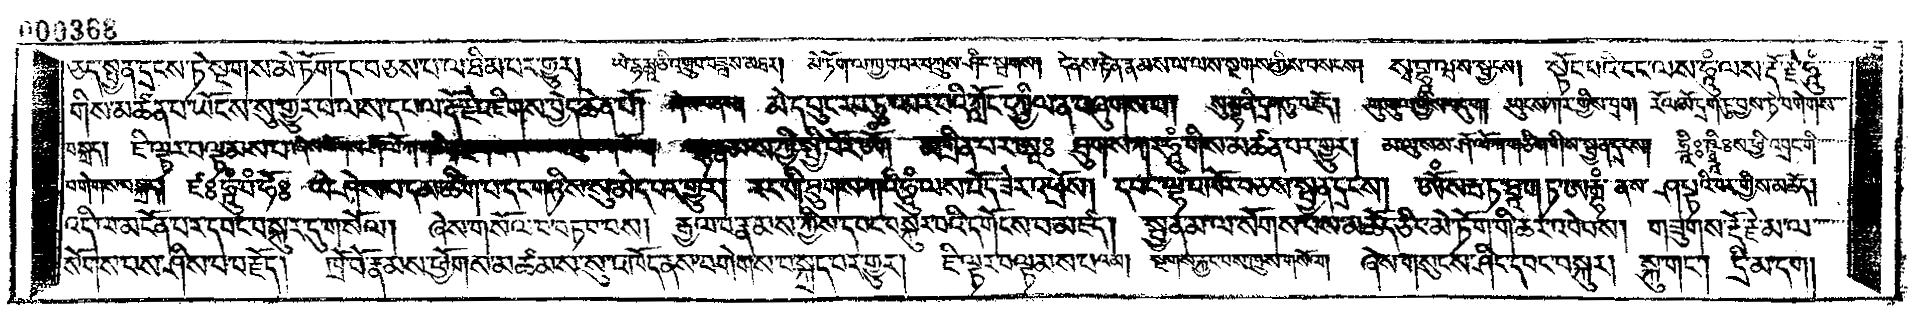ཅད་སྤྱན་དྲངས་ཏེ་སྔགས་མེ་ཏོག་དང་བཅས་པ་ལ་ཐིམ་པར་གྱུར། ཡེ་དྷརྨཱ་ཅི་འགྲུབ་བཟླས་མཐར། མེ་ཏོག་ལ་ཁྱབ་པར་བཀྲུས་ཤིང་སྤགས། དེ་ནས་རྟེན་རྣམས་ལ་ལས་སྔགས་ཀྱིས་བསངས།  སྭ་བྷཱ་ཝས་སྦྱངས། སྟོང་པའི་ངང་ལས་ཧཱུཾ་ལས་རྡོ་རྗེ་ཧཱུཾ་
གིས་མཚན་པ་ཡོངས་སུ་གྱུར་པ་ལས་དཔལ་རྡོ་རྗེ་འཇིགས་བྱེད་ཆེན་པོ། ཞེས་པ་ནས།  མེ་དཔུང་རབ་ཏུ་འབར་བའི་ཀློང་དཀྱིལ་ན་བཞུགས་པ། སུམྦྷ་ནི་དྲག་ཏུ་བརྗོད། གུ་གུལ་གྱིས་བདུག །ཡུངས་ཀར་གྱིས་བྲབ། རོལ་མོ་དྲག་ཏུ་བྱས་ཏེ་བགེགས་
བསྐྲད། ཇི་ལྟར་བལྟམས་པ་ཞེས་སོགས་ཤོ་ལོ་ཀ་གཅིག་སྔགས་དང་བཅས་ཁྲུས་གསོལ།  ལྷ་རྣམས་ཀྱི་སྤྱི་བོར་ཨོཾ། མགྲིན་པར་ཨཱཿ ཐུགས་ཀར་ཧཱུཾ་གིས་མཚན་པར་གྱུར། མ་ལུས་མ་ཤོ་ལོ་ཀ་གཅིག་གིས་སྤྱན་དྲངས། ཧྲཱིཿ ཥྚྲཱིཿ ས་ཕྱི་འབྲང་གི་
བགེགས་བསྐྲད། ཛཿ ཧཱུཾ་བཾ་ཧོཿ ཡེ་ཤེས་པ་དམ་ཚིག་པ་དང་གཉིས་སུ་མེད་པར་གྱུར། རང་གི་ཐུགས་ཀའི་ཧཱུཾ་ལས་འོད་ཟེར་འཕྲོས། དབང་ལྷ་འཁོར་བཅས་སྤྱན་དྲངས། ཨོཾ་སརྦ་ཏ་ཐཱ་ག་ཏ་ཨརྒྷཾ་ནས་ཤཔྟའི་བར་གྱིས་མཆོད།
འདི་ལ་མངོན་པར་དབང་བསྐུར་དུ་གསོལ། ཞེས་གསོལ་བ་བཏབ་པས། རྒྱལ་བ་རྣམས་ཀྱིས་དབང་བསྐུར་བའི་དགོངས་པ་མཛད། སྤྱན་མ་ལ་སོགས་པས་མཆོད་ཅིང་མེ་ཏོག་གི་ཆར་འབེབས། གཟུགས་རྡོ་རྗེ་མ་ལ་
སོགས་པས་ཤིས་པ་བརྗོད། ཁྲོ་བོ་རྣམས་ཕྱོགས་མཚམས་སུ་འཁོད་ནས་བགེགས་བསྐྲད་པར་གྱུར། ཇི་ལྟར་བལྟམས་པའམ། སྔགས་རྐྱང་བས་ཁྲུས་གསོལ།  ཞེས་གསུངས་ཤིང་དབང་བསྐུར། སྐུ་གང་། དྲི་མ་དག །